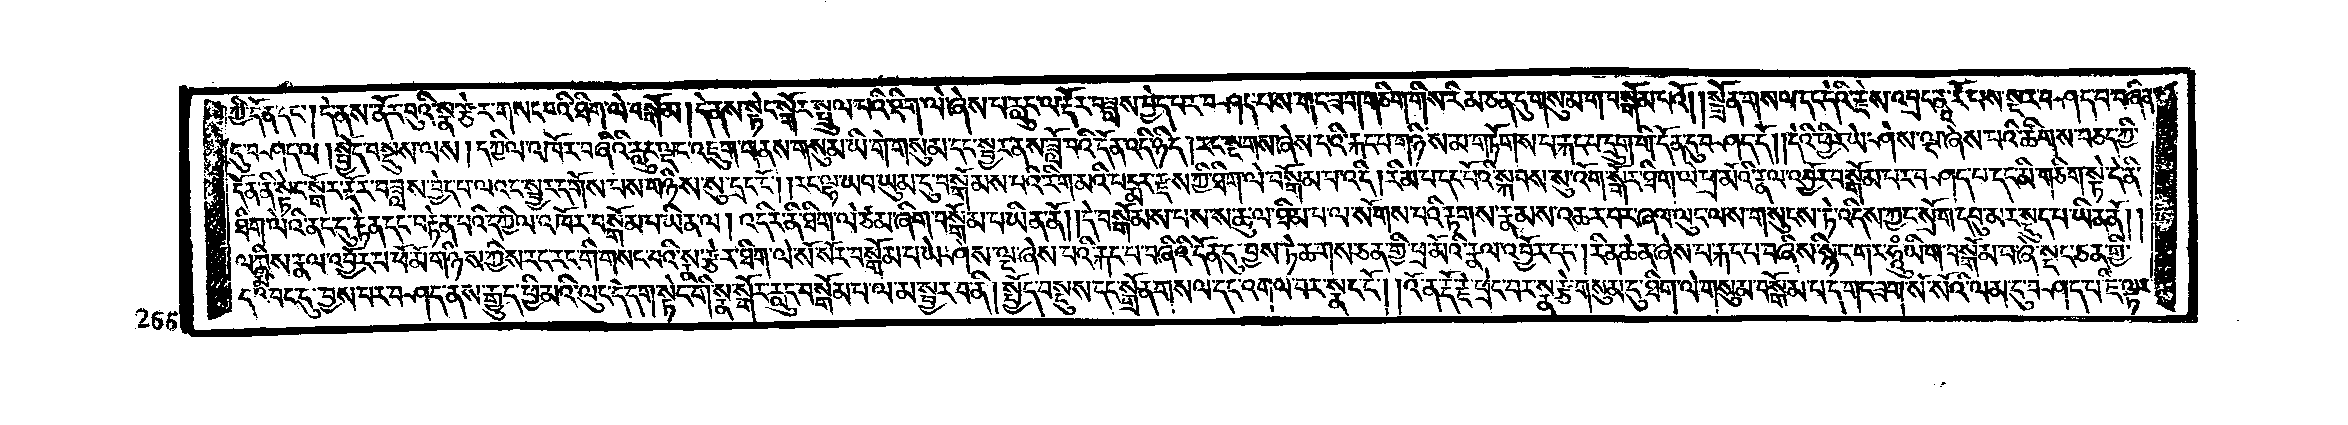ཀྱི་དོན་དང་། དེ་ནས་ནོར་བུའི་སྣ་རྩེར་གསང་བའི་ཐིག་ལེ་བསྒོམ། དེ་ནས་སྟེང་སྒོར་སྤྲུལ་པའི་ཐིག་ལེ་ཞེས་པ་རླུང་ལ་རྡོར་བཟླས་བྱེད་པར་བཤད་པས་གང་ཟག་གཅིག་གིས་རིམ་ཅན་དུ་གསུམ་ག་བསྒོམ་པའོ། །སྒྲོན་གསལ་དང་དེའི་རྗེས་འབྲང་ནཱ་རོ་པས་སྔར་བཤད་པ་བཞིན་
དུ་བཤད་ལ། སྤྱོད་བསྡུས་ལས། དཀྱིལ་འཁོར་བཞིའི་རླུང་ལྡང་འཇུག་གནས་གསུམ་ཡི་གེ་གསུམ་དང་སྦྱར་ནས་ཟློ་བའི་དོན་འདི་ཉིད། རང་སྔགས་ཞེས་པའི་རྐང་པ་གཉིས་མ་གཏོགས་པ་རྐང་པ་དྲུག་གི་དོན་དུ་བཤད་དོ། །དེའི་ཕྱིར་ཡེ་ཤེས་ལྔ་ཞེས་པའི་ཚིགས་བཅད་ཀྱི་
དོན་ནི་སྟེང་སྒོར་རྡོར་བཟླས་བྱེད་པ་ལའང་སྦྱར་དགོས་པས་གཉིས་སུ་དྲང་ངོ། །རང་ལྷ་ཡབ་ཡུམ་དུ་བསྒོམས་པའི་རིག་མའི་པདམར་རྫས་ཀྱི་ཐིག་ལེ་བསྒོམ་པ་འདི། རིམ་པ་དང་པོའི་སྐབས་སུ་འོག་སྒོར་ཐིག་ལེ་ཕྲ་མོའི་རྣལ་འབྱོར་བསྒོམ་པར་བཤད་པ་དང་མི་གཅིག་སྟེ་དེ་ནི་
ཐིག་ལེའི་ནང་དུ་རྟེན་དང་བརྟེན་པའི་དཀྱིལ་འཁོར་བསྒོམ་པ་ཡིན་ལ། འདིར་ནི་ཐིག་ལེ་ཙམ་ཞིག་བསྒོམ་པ་ཡིན་ནོ། །དེ་བསྒོམས་པས་ས་ཆུ་ལ་ཐིམ་པ་ལ་སོགས་པའི་རྟགས་རྣམས་འཆར་བར་ཞལ་ལུང་ལས་གསུངས་ཏེ་འདིས་ཀྱང་སྲོག་དབུ་མར་སྡུད་པ་ཡིན་ནོ། །
ལཀྵྨཱིས་རྣལ་འབྱོར་པ་པོ་མོ་གཉིས་ཀྱིས་རང་རང་གི་གསང་བའི་སྣ་རྩེར་ཐིག་ལེ་སོ་སོར་བསྒོམ་པ་ཡེ་ཤེས་ལྔ་ཞེས་པའི་རྐང་པ་བཞིའི་དོན་དུ་བྱས་ཏེ་ཆགས་ཅན་གྱི་ཕྲ་མོའི་རྣལ་འབྱོར་དང་། རིན་ཆེན་ཞེས་པ་རྐང་པ་བཞིས་སྙིང་གར་ཧཱུཾ་ཡིག་བསྒོམ་པ་ཞེ་སྡང་ཅན་གྱི་
དབང་དུ་བྱས་པར་བཤད་ནས་རྒྱུད་ཕྱི་མའི་ལུང་དེ་དག་སྟེང་གི་སྣ་སྒོར་རླུང་བསྒོམ་པ་ལ་མ་སྦྱར་བ་ནི། སྤྱོད་བསྡུས་དང་སྒྲོན་གསལ་དང་འགལ་བར་སྣང་ངོ། །འོ་ན་རྡོ་རྗེ་ཕྲེང་བར་སྣ་རྩེ་གསུམ་དུ་ཐིག་ལེ་གསུམ་བསྒོམ་པ་དེ་གང་ཟག་སོ་སོའི་ལམ་དུ་བཤད་པ་ཇི་ལྟར་